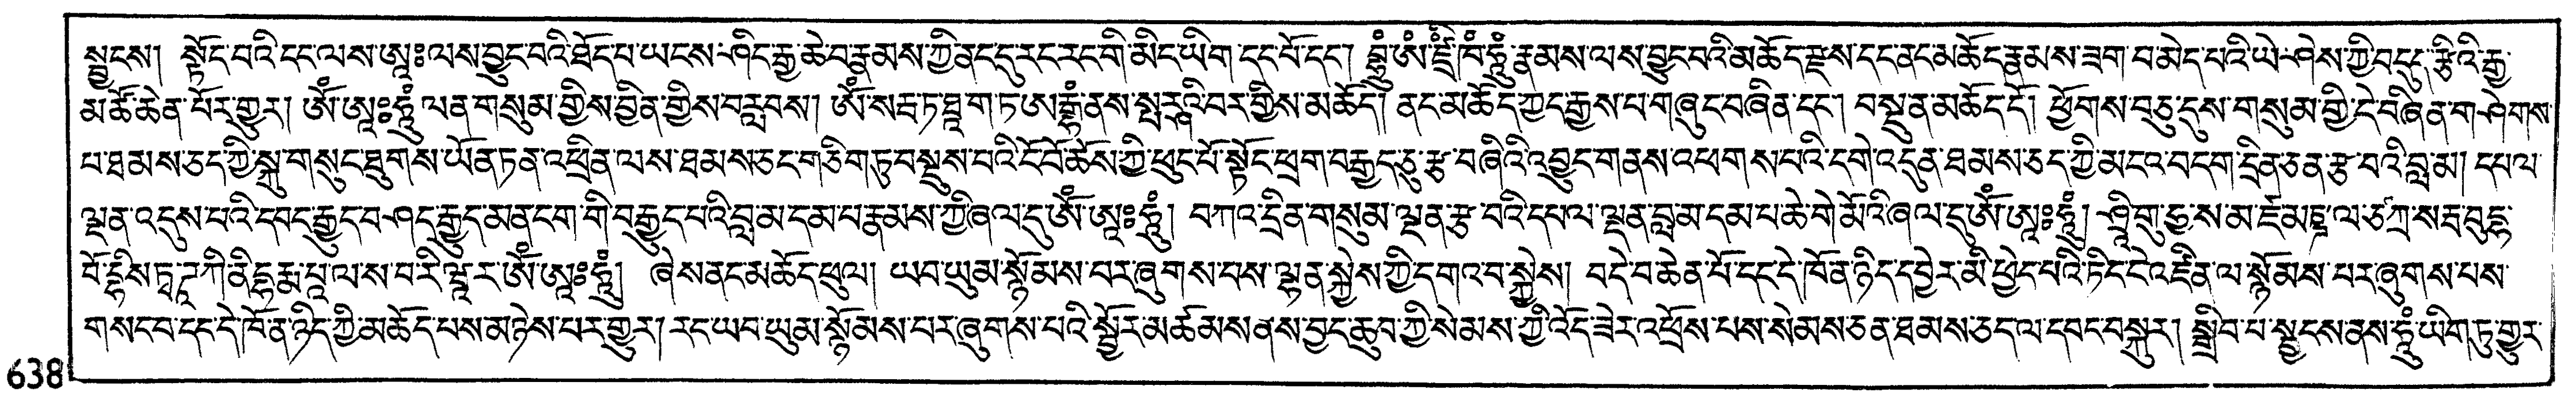སྦྱངས། སྟོང་པའི་ངང་ལས་ཨཱཿ ལས་བྱུང་བའི་ཐོད་པ་ཡངས་ཤིང་རྒྱ་ཆེ་བ་རྣམས་ཀྱི་ནང་དུ་རང་རང་གི་མིང་ཡིག་དང་པོ་དང་། བྷྲུཾ་ཨཾ་ཛྲིཾ་ཁཾ་ཧཱུཾ་རྣམས་ལས་བྱུང་བའི་མཆོད་རྫས་དང་ནང་མཆོད་རྣམས་ཟག་པ་མེད་པའི་ཡེ་ཤེས་ཀྱི་བདུད་རྩིའི་རྒྱ་
མཚོ་ཆེན་པོར་གྱུར། ཨོཾ་ཨཱཿ ཧཱུཾ་ལན་གསུམ་གྱིས་བྱིན་གྱིས་བརླབས། ཨོཾ་སརྦ་ཏ་ཐཱ་ག་ཏ་ཨརྒྷཾ་ནས་སྤརྴཱི་བར་གྱིས་མཆོད། ནང་མཆོད་ཀྱང་རྒྱས་པ་གཞུང་བཞིན་དང་། བསྡུ་ན་མཆོད་དོ། ཕྱོགས་བཅུ་དུས་གསུམ་གྱི་དེ་བཞིན་གཤེགས་
པ་ཐམས་ཅད་ཀྱི་སྐུ་གསུང་ཐུགས་ཡོན་ཏན་འཕྲིན་ལས་ཐམས་ཅད་གཅིག་ཏུ་བསྡུས་པའི་ངོ་བོ་ཆོས་ཀྱི་ཕུང་པོ་སྟོང་ཕྲག་བརྒྱད་ཅུ་རྩ་བཞིའི་འབྱུང་གནས་འཕགས་པའི་དགེ་འདུན་ཐམས་ཅད་ཀྱི་མངའ་བདག་དྲིན་ཅན་རྩ་བའི་བླ་མ། དཔལ་
ལྡན་འདུས་པའི་དབང་རྒྱུད་བཤད་རྒྱུད་མན་ངག་གི་བརྒྱུད་པའི་བླ་མ་དམ་པ་རྣམས་ཀྱི་ཞལ་དུ་ཨོཾ་ཨཱཿ ཧཱུཾ། བཀའ་དྲིན་གསུམ་ལྡན་རྩ་བའི་དཔལ་ལྡན་བླ་མ་དམ་པ་ཆེ་གེ་མོའི་ཞལ་དུ་ཨོཾ་ཨཱཿ ཧཱུཾ། ཤྲཱི་གུ་ཧྱ་ས་མ་ཛ་མཎྜ་ལ་ཙཀྲ་སརྦ་བུདྷ་
བོ་དྷིས་ཏྭ་ཌཱཀི་ནི་དྷརྨ་པཱ་ལ་ས་པ་རི་ཝཱ་ར་ཨོཾ་ཨཱཿ ཧཱུཾ། ཞེས་ནང་མཆོད་ཕུལ། ཡབ་ཡུམ་སྙོམས་པར་ཞུགས་པས་ལྷན་སྐྱེས་ཀྱི་དགའ་བ་སྐྱེས། བདེ་བ་ཆེན་པོ་དང་དེ་ཁོ་ན་ཉིད་དབྱེར་མི་ཕྱེད་པའི་ཏིང་ངེ་འཛིན་ལ་སྙོམས་པར་ཞུགས་པས་
གསང་བ་དང་དེ་ཁོ་ན་ཉིད་ཀྱི་མཆོད་པས་མཉེས་པར་གྱུར། རང་ཡབ་ཡུམ་སྙོམས་པར་ཞུགས་པའི་སྦྱོར་མཚམས་ནས་བྱང་ཆུབ་ཀྱི་སེམས་ཀྱི་འོད་ཟེར་འཕྲོས་པས་སེམས་ཅན་ཐམས་ཅད་ལ་དབང་བསྐུར། སྒྲིབ་པ་སྦྱངས་ནས་ཧཱུཾ་ཡིག་ཏུ་གྱུར་